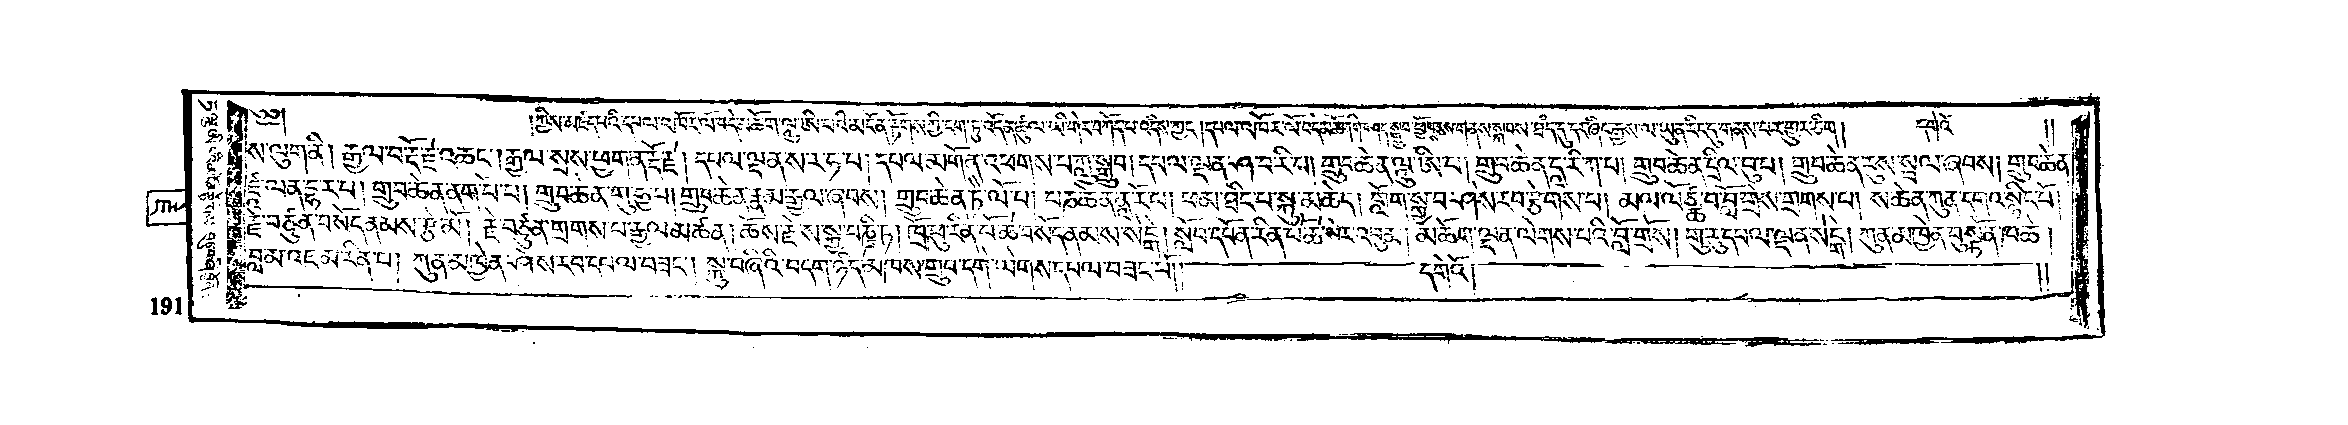༄༅། །ཀྱིས་མཛད་པའི་དཔལ་འཁོར་ལོ་བདེ་མཆོག་ལཱུ་ཨི་པའི་མངོན་རྟོགས་ཀྱི་ངག་ཏུ་འདོན་ཚུལ་ཡི་གེར་བཀོད་པ་འདིས་ཀྱང་། དཔལ་འཁོར་ལོ་བདེ་མཆོག་གི་བཤད་སྒྲུབ་ཕྱོགས་དུས་གནས་སྐབས་ཐམས་ཅད་དུ་དར་ཞིང་རྒྱས་ལ་ཡུན་རིང་དུ་གནས་པར་གྱུར་ཅིག །དགེའོ། །
ས་ལུག་ནི། རྒྱལ་བ་རྡོ་རྗེ་འཆང་། རྒྱལ་སྲས་ཕྱག་ན་རྡོ་རྗེ། དཔལ་ལྡན་ས་ར་ཧ་པ། དཔལ་མགོན་འཕགས་པ་ཀླུ་སྒྲུབ། དཔལ་ལྡན་ཤ་བ་རི་པ། གྲུབ་ཆེན་ལཱུ་ཨི་པ། གྲུབ་ཆེན་དཱ་རི་ཀ་པ། གྲུབ་ཆེན་དྲིལ་བུ་པ། གྲུབ་ཆེན་རུས་སྦལ་ཞབས། གྲུབ་ཆེན་
ཛཱ་ལན་དྷ་ར་པ། གྲུབ་ཆེན་ནག་པོ་པ། གྲུབ་ཆེན་གུ་ཧྱ་པ། གྲུབ་ཆེན་རྣམ་རྒྱལ་ཞབས། གྲུབ་ཆེན་ཏཻ་ལོ་པ། པཎ་ཆེན་ནཱ་རོ་པ། ཕམ་ཐིང་པ་སྐུ་མཆེད། གློག་སྐྱ་བ་ཤེས་རབ་རྩེགས་པ། མལ་ལོཙྪ་བ་བློ་གྲོས་གྲགས་པ། ས་ཆེན་ཀུན་དགའ་སྙིང་པོ།
རྗེ་བཙུན་བསོད་ནམས་རྩེ་མོ། རྗེ་བཙུན་གྲགས་པ་རྒྱལ་མཚན། ཆོས་རྗེ་ས་སྐྱ་པཎྜི་ཏ། ཁྲོ་ཕུ་རིན་པོ་ཆེ་བསོད་ནམས་སེངྒེ། སློབ་དཔོན་རིན་པོ་ཆེ་སེང་འབུམ། མཆོག་ལྡན་ལེགས་པའི་བློ་གྲོས། གུ་རུ་དཔལ་ལྡན་སེངྒེ། ཀུན་མཁྱེན་བུ་སྟོན་ཁ་ཆེ།
བླ་མ་འཇམ་རིན་པ། ཀུན་མཁྱེན་ཤེས་རབ་དཔལ་བཟང་། སྐུ་བཞིའི་བདག་ཉིད་མཁས་གྲུབ་དགེ་ལེགས་དཔལ་བཟང་པོ། །དགེའོ། །།